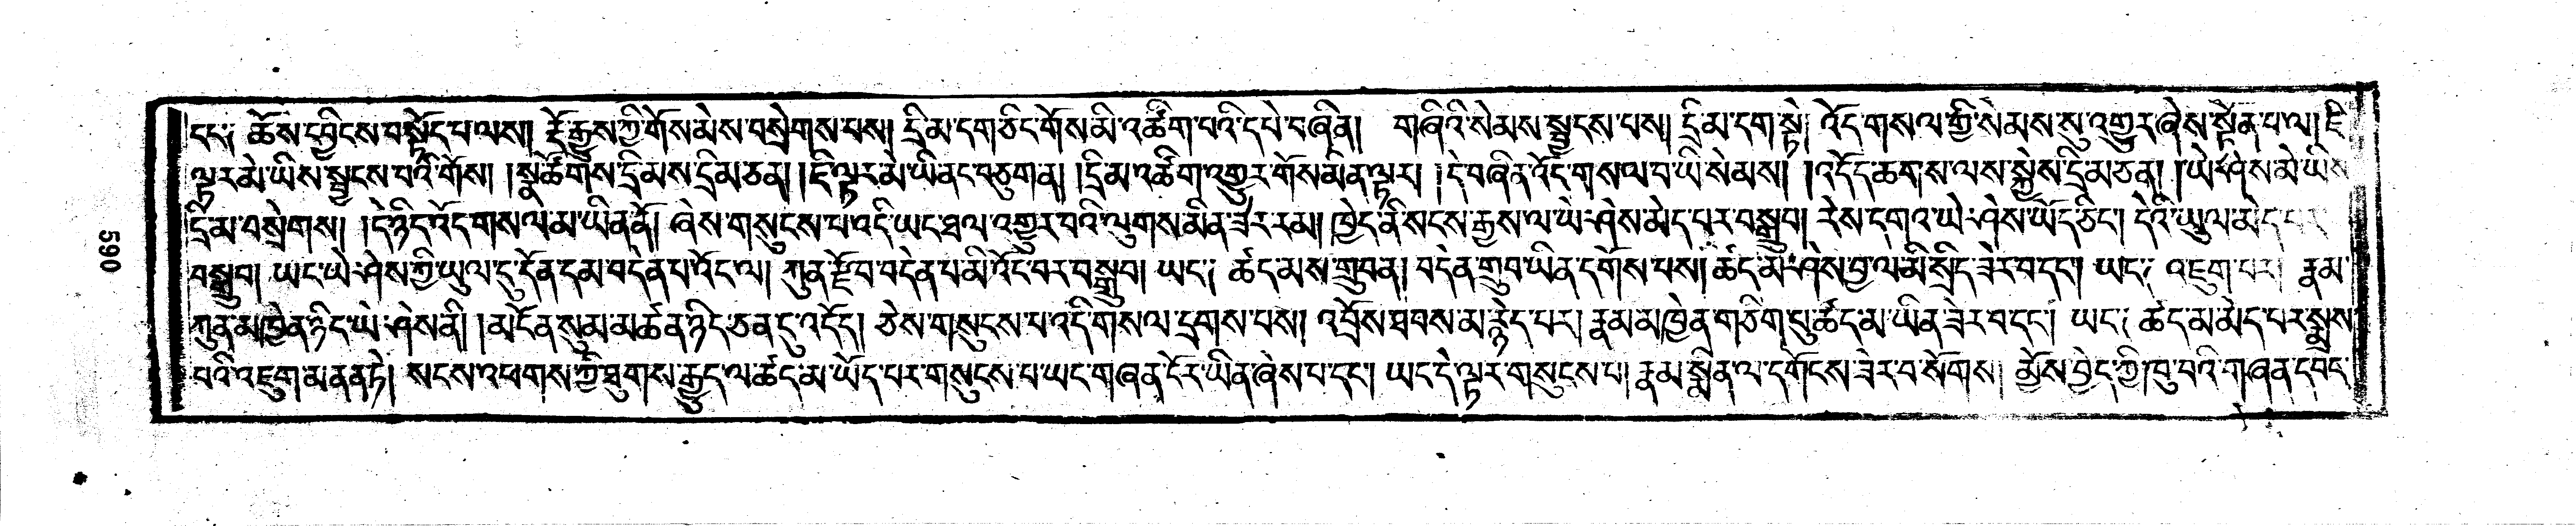དང༑ ཆོས་དབྱིངས་བསྟོད་པ་ལས། རྡོ་རྒྱུས་ཀྱི་གོས་མེས་བསྲེགས་པས། དྲི་མ་དག་ཅིང་གོས་མི་འཚིག་པའི་དཔེ་བཞིན། གཞིའི་སེམས་སྦྱངས་པས། དྲི་མ་དག་སྟེ། འོད་གསལ་གྱི་སེམས་སུ་འགྱུར་ཞེས་སྟོན་པ་ལ། ཇི་
ལྟར་མེ་ཡིས་སྦྱངས་པའི་གོས། །སྣ་ཚོགས་དྲི་མས་དྲི་མ་ཅན། །ཇི་ལྟར་མེ་ཡི་ནང་བཅུག་ན། །དྲི་མ་འཚིག་འགྱུར་གོས་མིན་ལྟར། །དེ་བཞིན་འོད་གསལ་བ་ཡི་སེམས། །འདོད་ཆགས་ལས་སྐྱེས་དྲི་མ་ཅན། །ཡེ་ཤེས་མེ་ཡིས་
དྲི་མ་བསྲེགས། །དེ་ཉིད་འོད་གསལ་མ་ཡིན་ནོ། ཞེས་གསུངས་པ་འདི་ཡང་ཐལ་འགྱུར་བའི་ལུགས་མིན་ཟེར་རམ། ཁྱེད་ནི་སངས་རྒྱས་ལ་ཡེ་ཤེས་མེད་པ་རབ་སྒྲུབ། རེས་དགའ་ཡེ་ཤེས་ཡོད་ཅིང་། དེའི་ཡུལ་མེད་པར་
བསྒྲུབ། ཡང་ཡེ་ཤེས་ཀྱི་ཡུལ་དུ་དོན་དམ་བདེན་པ་འོང་ལ། ཀུན་རྫོབ་བདེན་པ་མི་འོང་བར་བསྒྲུབ། ཡང་། ཚད་མས་གྲུབ་ན། བདེན་གྲུབ་ཡིན་དགོས་པས། ཚད་མ་ཤེས་བྱ་ལ་མི་སྲིད་ཟེར་བ་དང་། ཡང་། འཇུག་པར། རྣམ་
ཀུན་མཁྱེན་ཉིད་ཡེ་ཤེས་ནི། །མངོན་སུམ་མཚན་ཉིད་ཅན་དུ་འདོད། ཅེས་གསུངས་པ་འདི་གསལ་དྲགས་པས། འབྲོས་ཐབས་མ་རྙེད་པར། རྣམ་མཁྱེན་གཅིག་པུ་ཚད་མ་ཡིན་ཟེར་བ་དང་། ཡང་། ཚད་མ་མེད་པར་སྨྲས་
པའི་འཇུག་མནན་ཏེ། སངས་འཕགས་ཀྱི་ཐུགས་རྒྱུད་ལ་ཚད་མ་ཡོད་པར་གསུངས་པ་ཡང་གཞན་ངོར་ཡིན་ཞེས་པ་དང་། ཡང་དེ་ལྟར་གསུངས་པ། རྣམ་སྨིན་ལ་དགོངས་ཟེར་བ་སོགས། མྱོས་བྱེད་ཀྱི་ཁུ་བའི་གཞན་དབང་